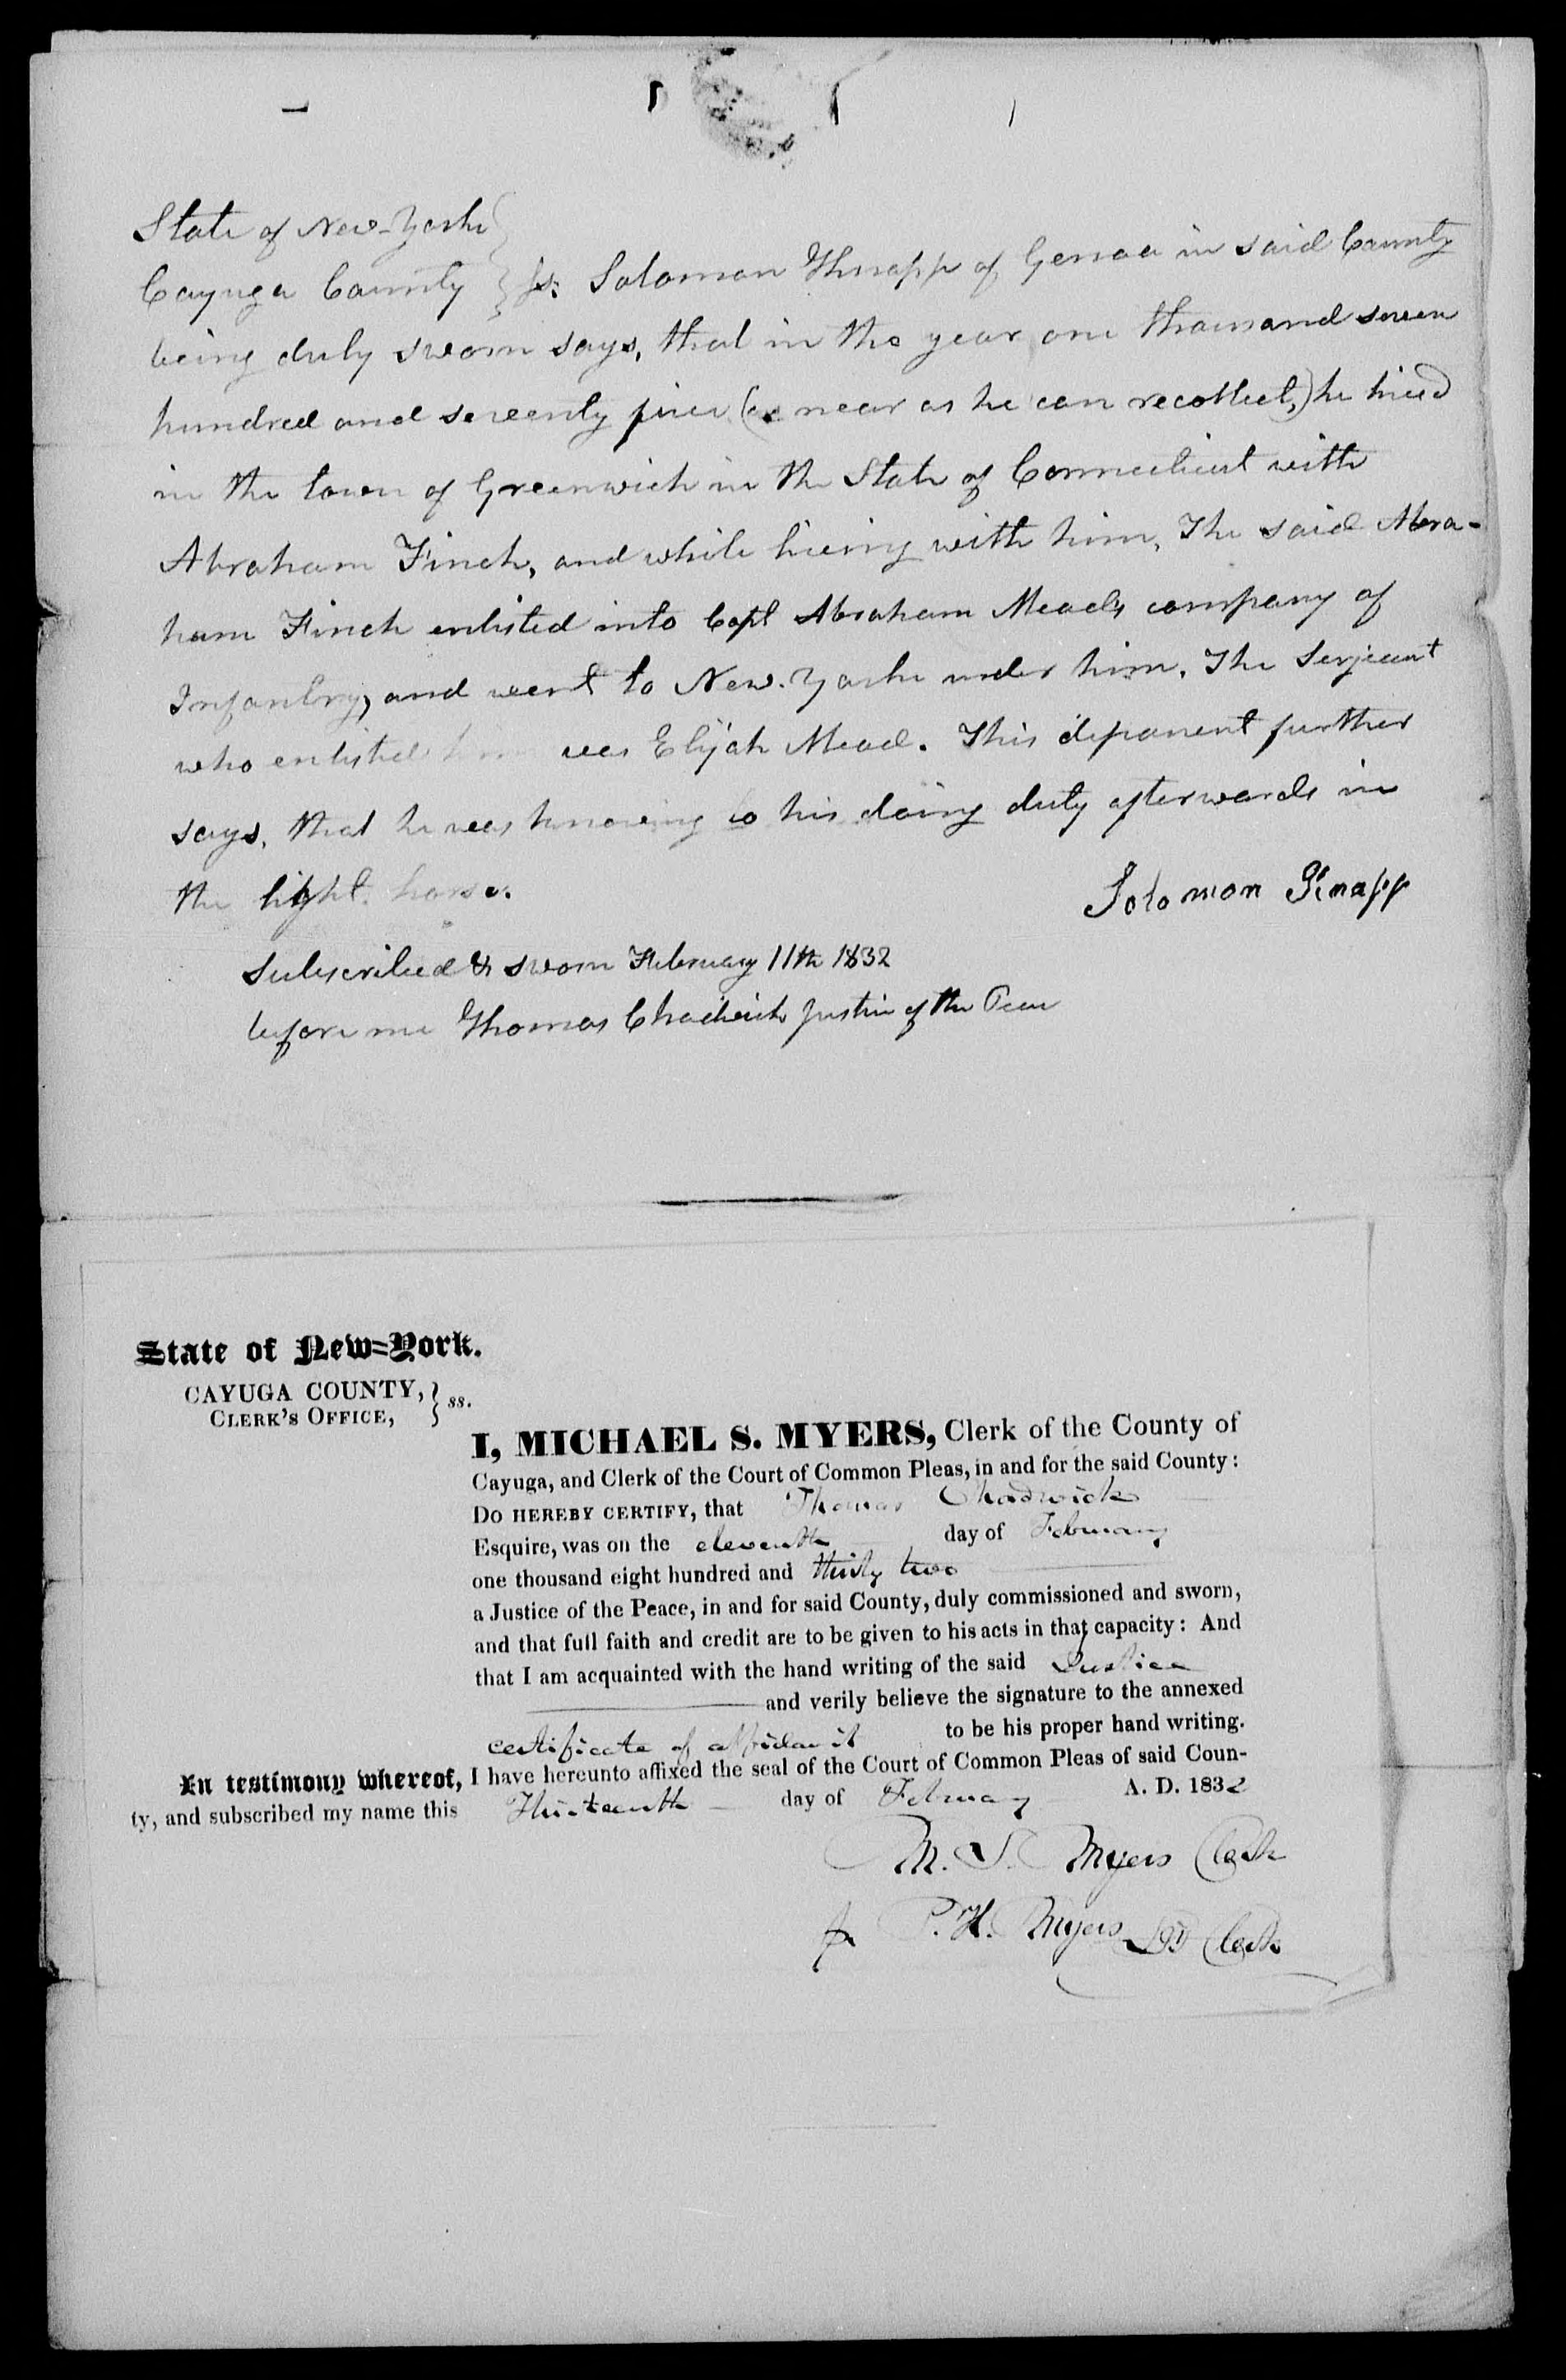State of New York
Cayuga County 
Ss
Soloman Knapp of Genoa in said County being duly sworn says, that in the year one thousand seven hundred and seventy five (as near as he can recollect), he lived in the town of Greenwich in the State of Connecticut with Abraham Finch, and while living with him, the said Abraham Finch enlisted into Capt Abraham Meads company of Infantry, and went to New York under him. The Sergeant who enlisted was Elijah Mead. This deponent further says, that he was knowing to his doing duty afterwards in the light horse
Solomon Knapp
Subscribed & Sworn February 11th 1832
before me Thomas Chadwick Justice of the Peace

State of New York,
CAYUGA COUNTY, 
CLERK'S OFFICE,
SS.
I, MICHAEL S. MYERS, Clerk of the County of Cayuga, and Clerk of the Court of Common Pleas, in and for the said County: 
DO HEREBY CERTIFY, that Thomas Chadwick Esquire, was on the eleventh day of February one thousand eight hundred and thirty two a Justice of the Peace, in and for said County, duly commissioned and sworn, and that full faith and credit are to be given to his acts in that capacity: And that I am acquainted with the hand writing of the said Justice
and verily believe the signature to the annexed certificate of affidavit to be his proper hand writing.
In testimony whereof, I have hereunto affixed the seal of the Court of Common Pleas of said County, and subscribed my name this thirteenth
day of February
A.D. 1832
M. S. Myers Clerk
P.H. Myers Clerk [ill]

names: Abraham Finch, Thomas Chadwick, M S Myers, Elijah Mead, P H Myers, Abraham Finch, Michael S Myers, Thomas Chadwick, Solomon Knapp, Solomon Knapp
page: 23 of 35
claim: survivor's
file: S. 28727, Abraham Finch, Conn.